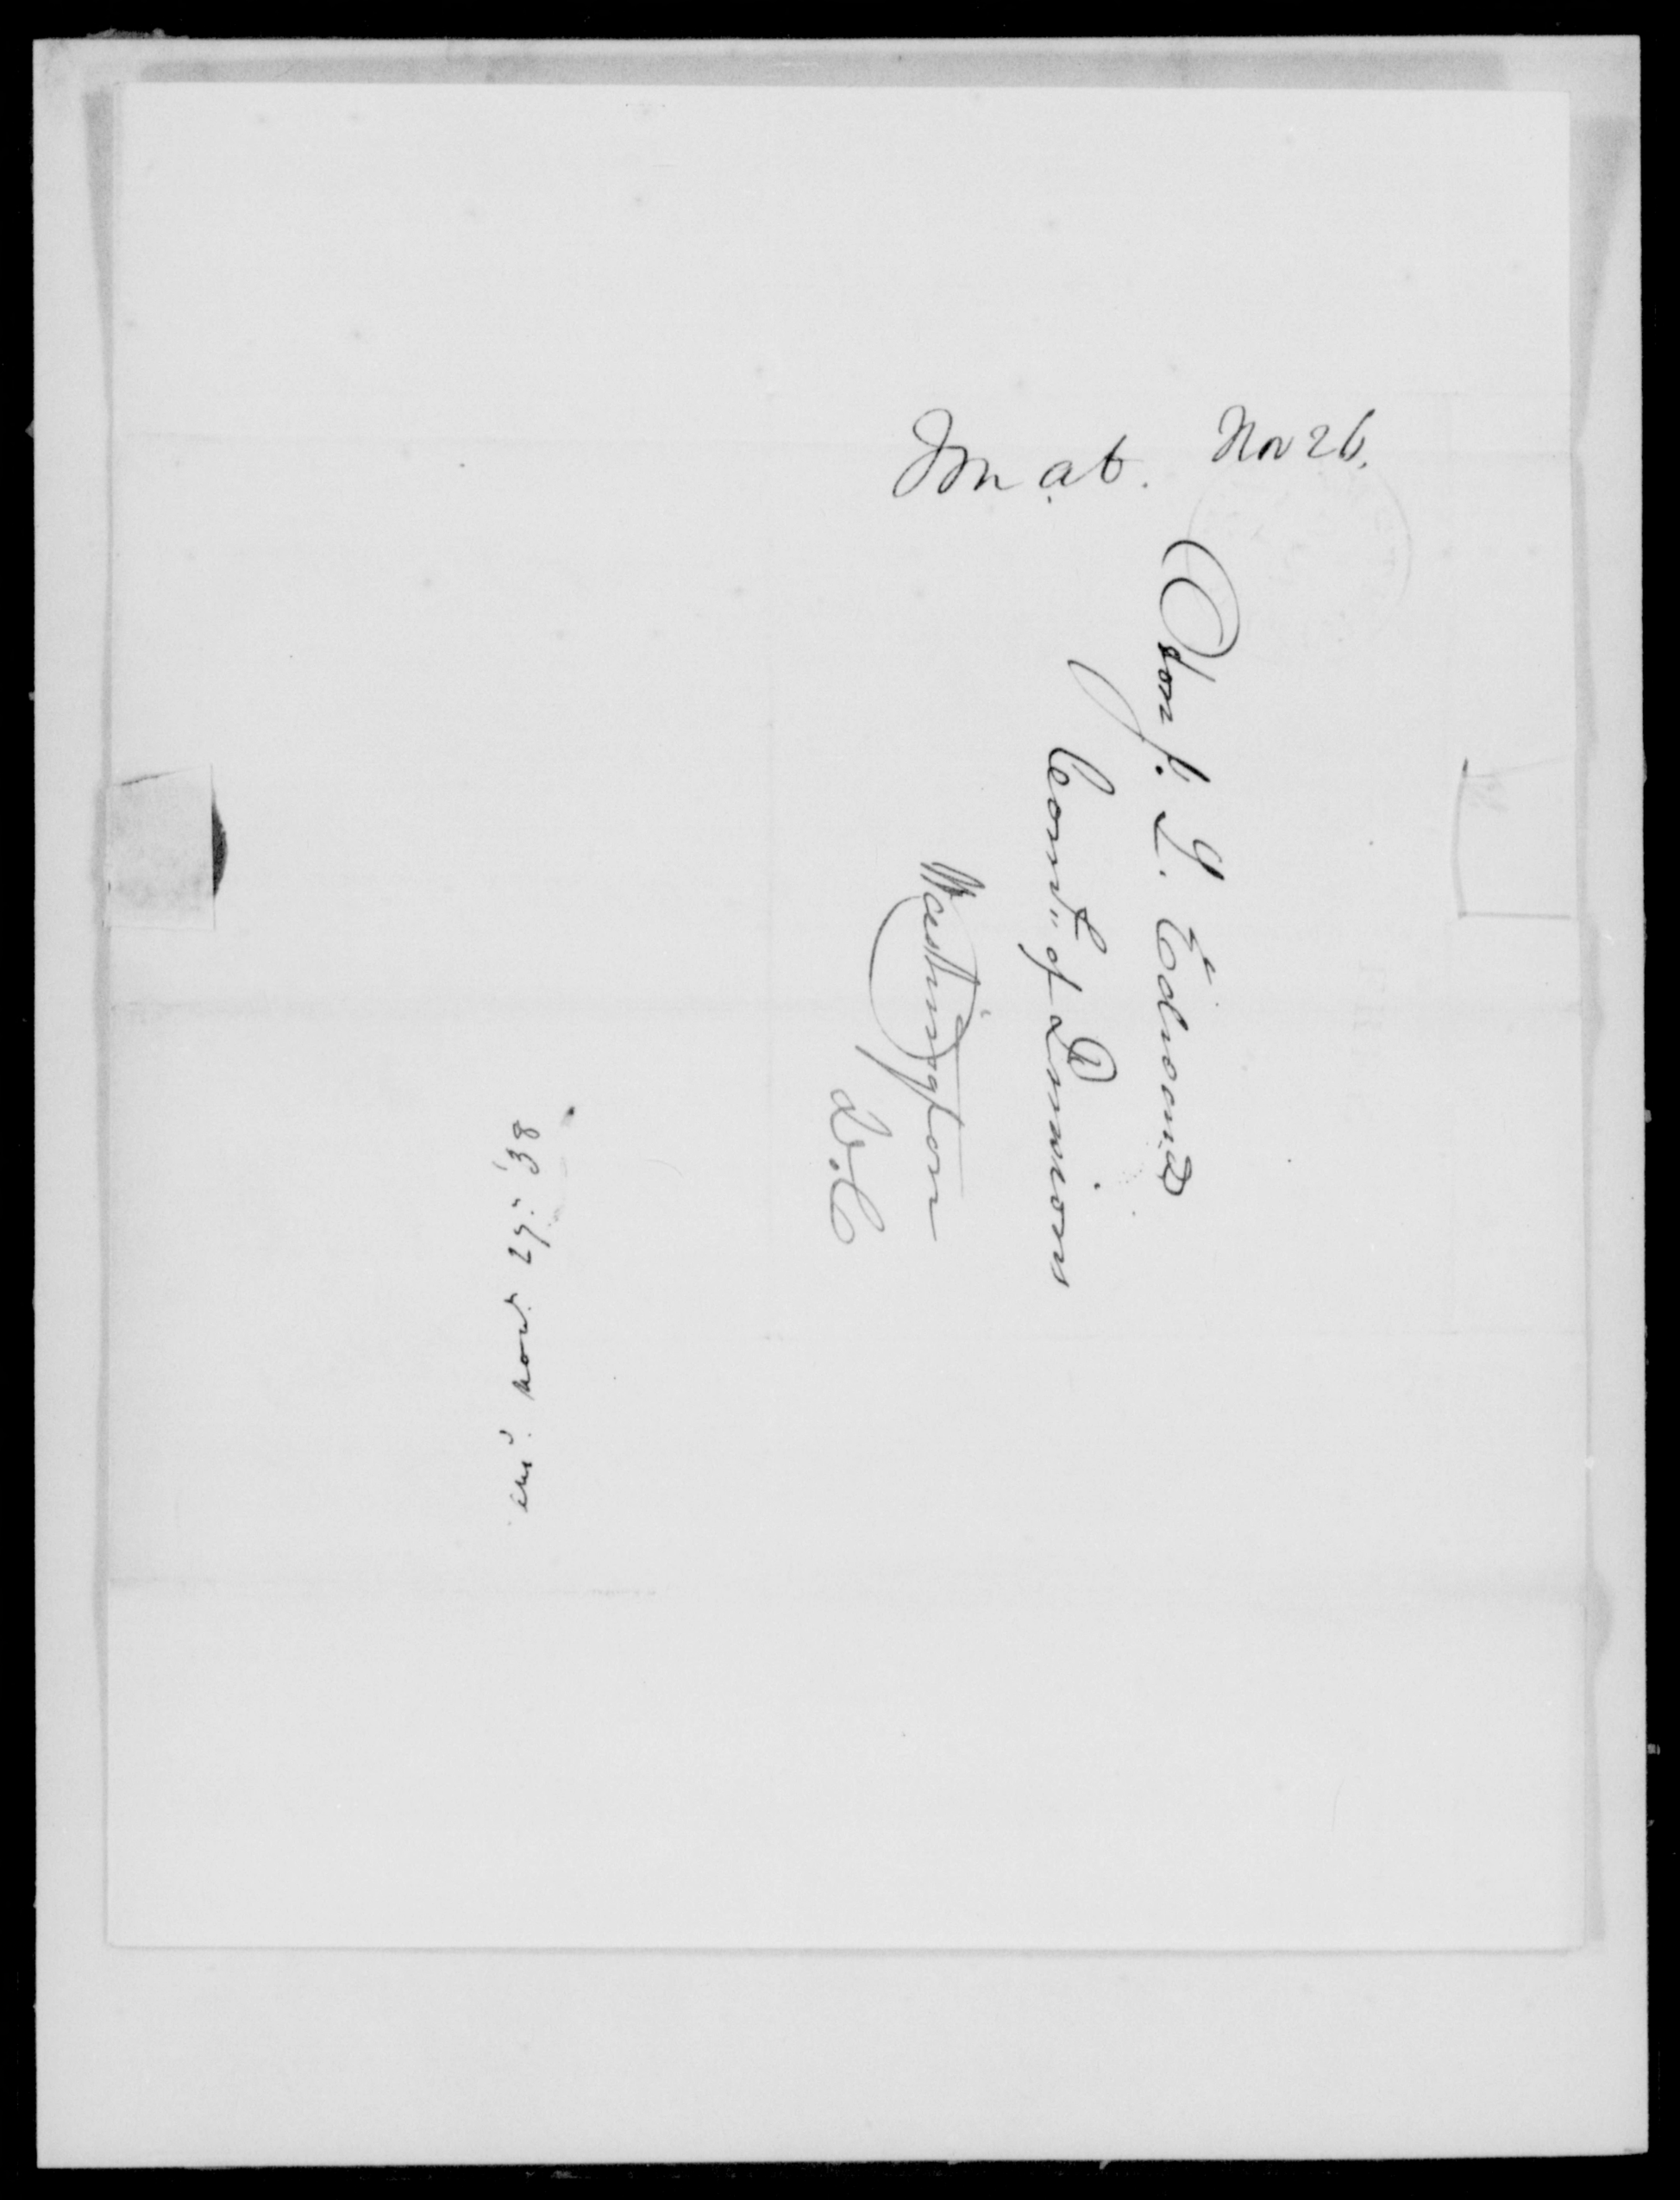In ab Nov 26 
Hon J. L. Edwards
Comr. of Pensions
Washington D.C

[illegible] Novr. 27 ‘38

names: J L Edwards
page: 28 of 57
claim: survivor's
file: S. 28,925, Albert Van Housen, New York